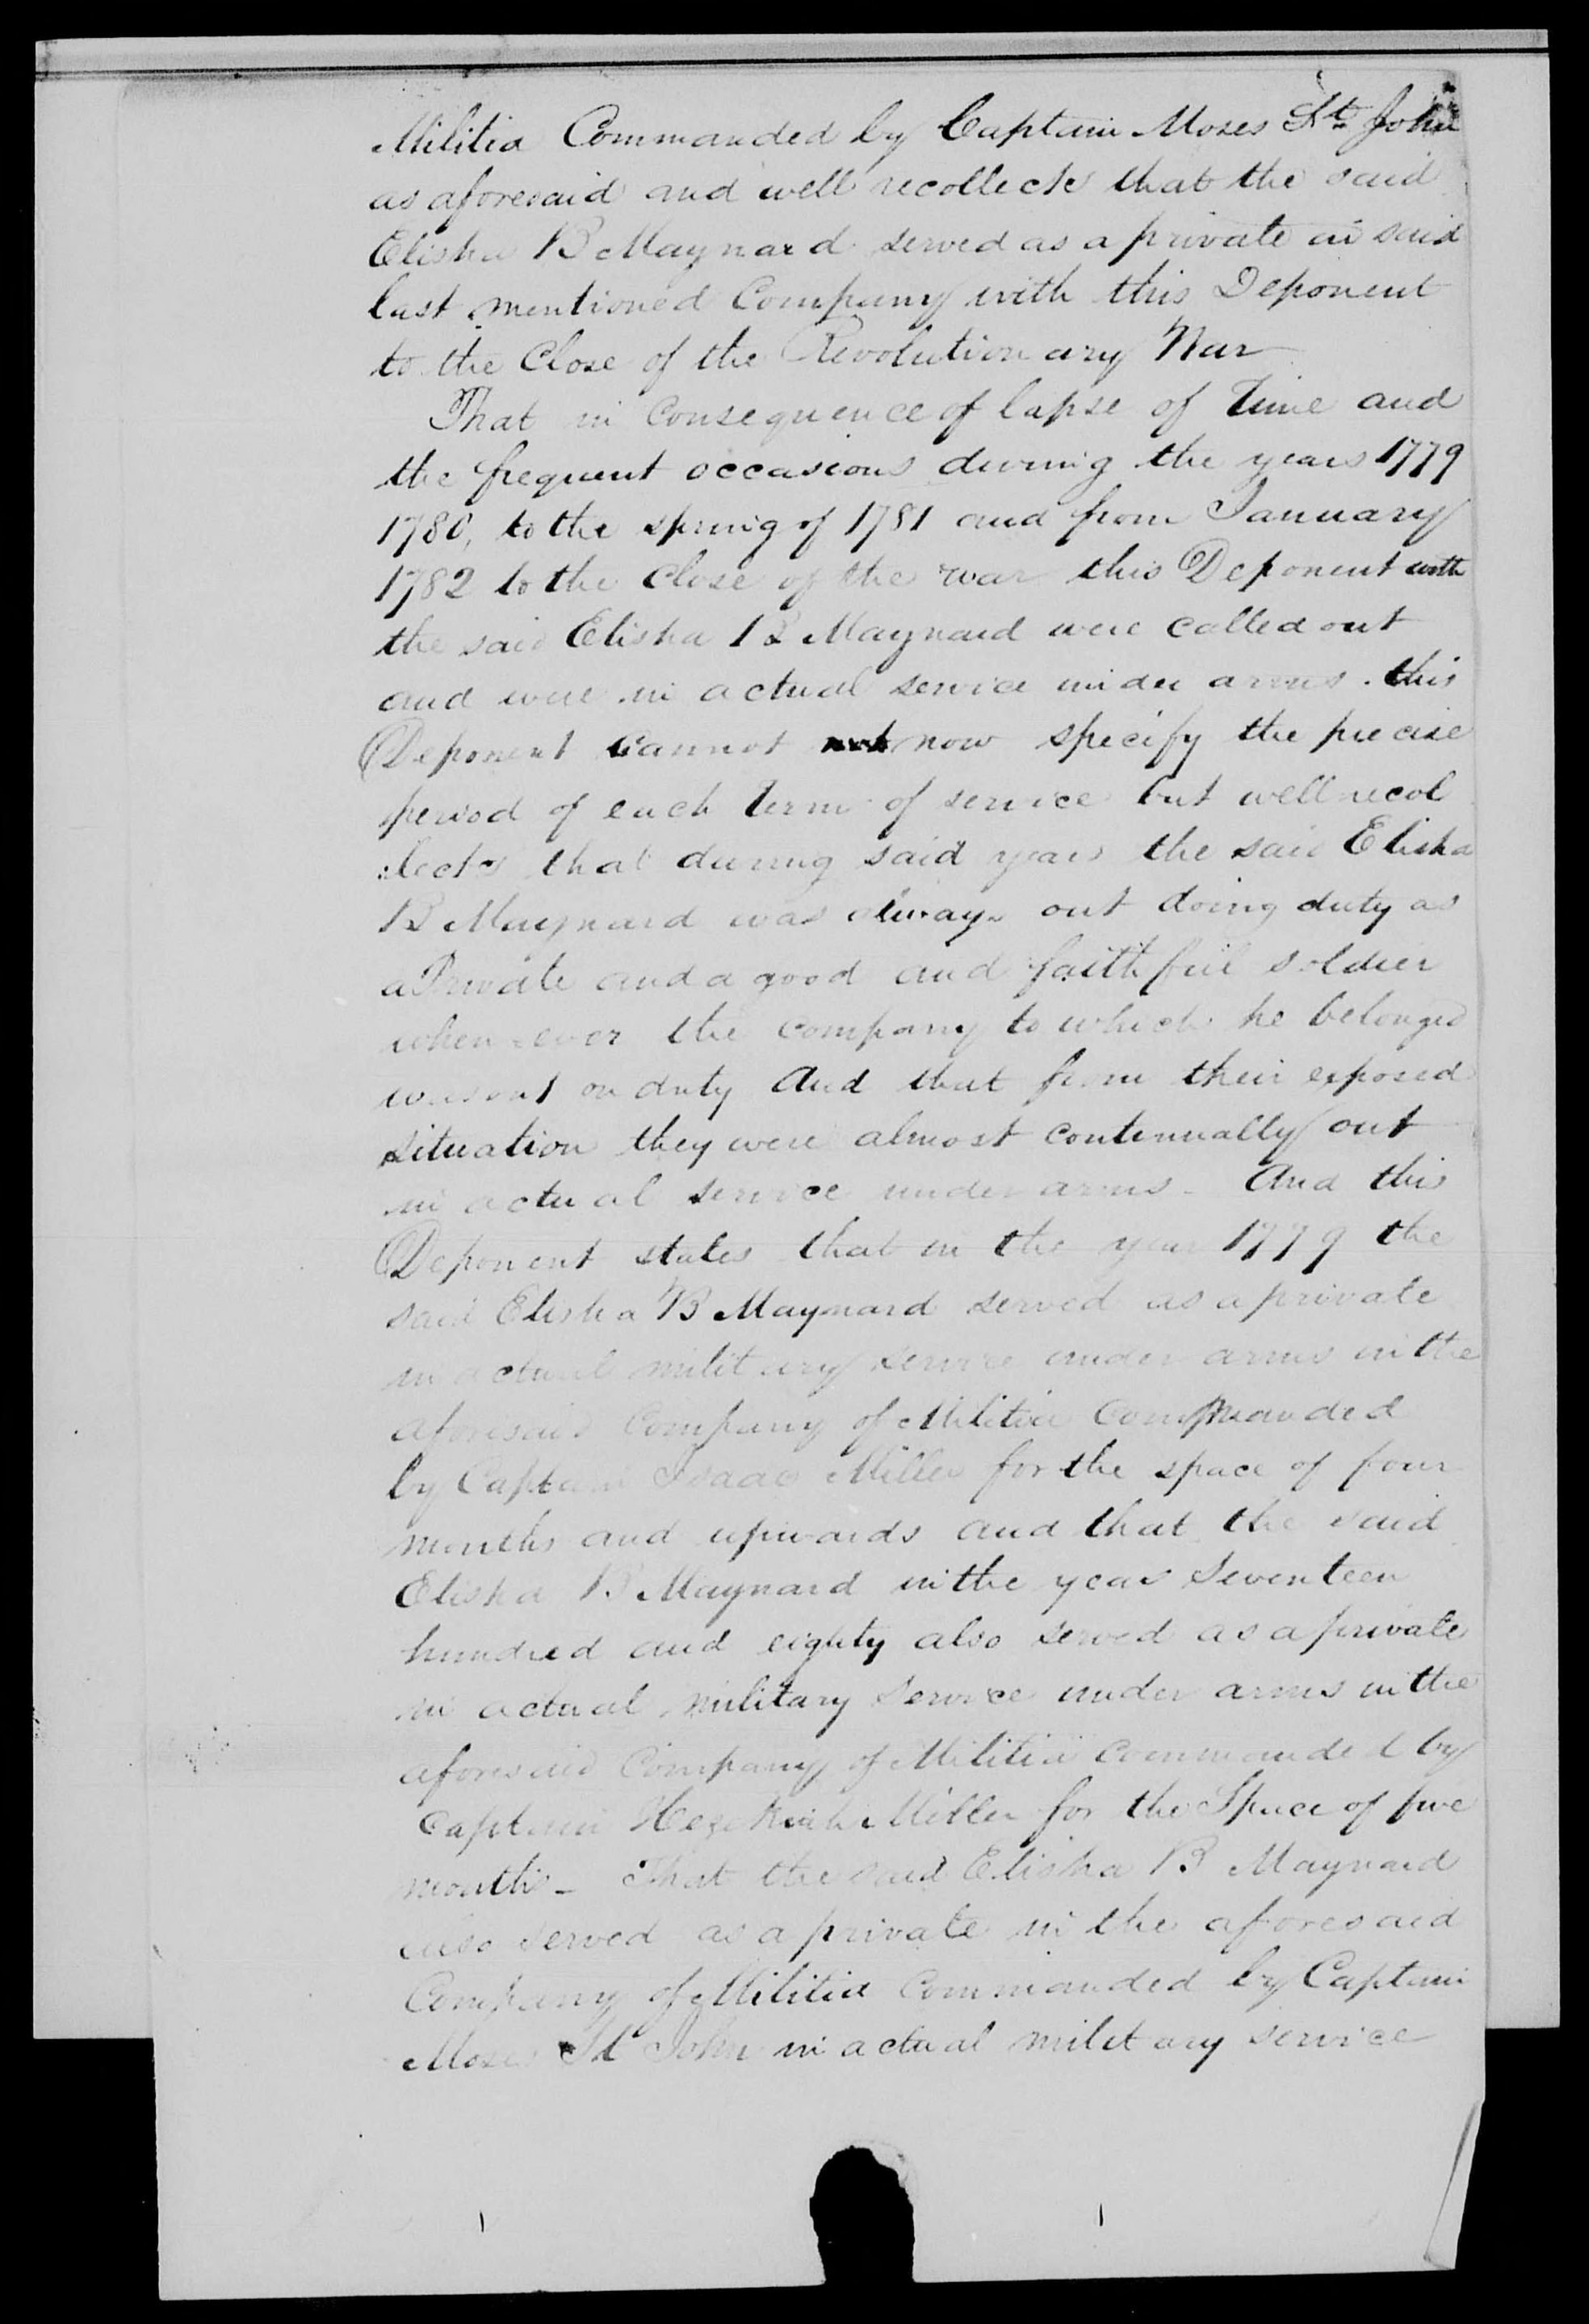Militia Commanded by Captain Moses St John as aforesaid and well recollects that the said Elisha B Maynard served as a private in said last mentioned Company with this Deponent to the Close of the Revolutionary War 
That in Consequence of lapse of time and the frequent occasions during the years 1779 1780, to the spring of 1781 and from January 1782 to the close of the war this Deponent with the said Elisha B Maynard were called out and were in actual service under arms. this Deponent cannot now specify the precise period of each term of service but well recollects that during said years the said Elisha B Maynard was always out doing duty as a Private and a good and faithful soldier whenever the Company to which he belonged was out on duty And that from their exposed situation they were almost continually out in actual service under arms. And this Deponent states that in the year 1779 the said Elisha B. Maynard served as a private in actual military service under arms in the aforesaid Company of Militia commanded by Captain Isaac Miller for the space of four months and upwards and that the said Elisha B. Maynard in the year Seventeen hundred and eighty also served as a private in actual military service under arms in the aforesaid Company of Militia Commanded by Captain Hezekiah Miller for the Space of five months. That the said Elisha B. Maynard so served as a private in the aforesaid Company of Militia Commanded by Captain Moses St John in actual military service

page: 17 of 33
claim: rejected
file: R. 7,063, for Elisha B Maynard, New York